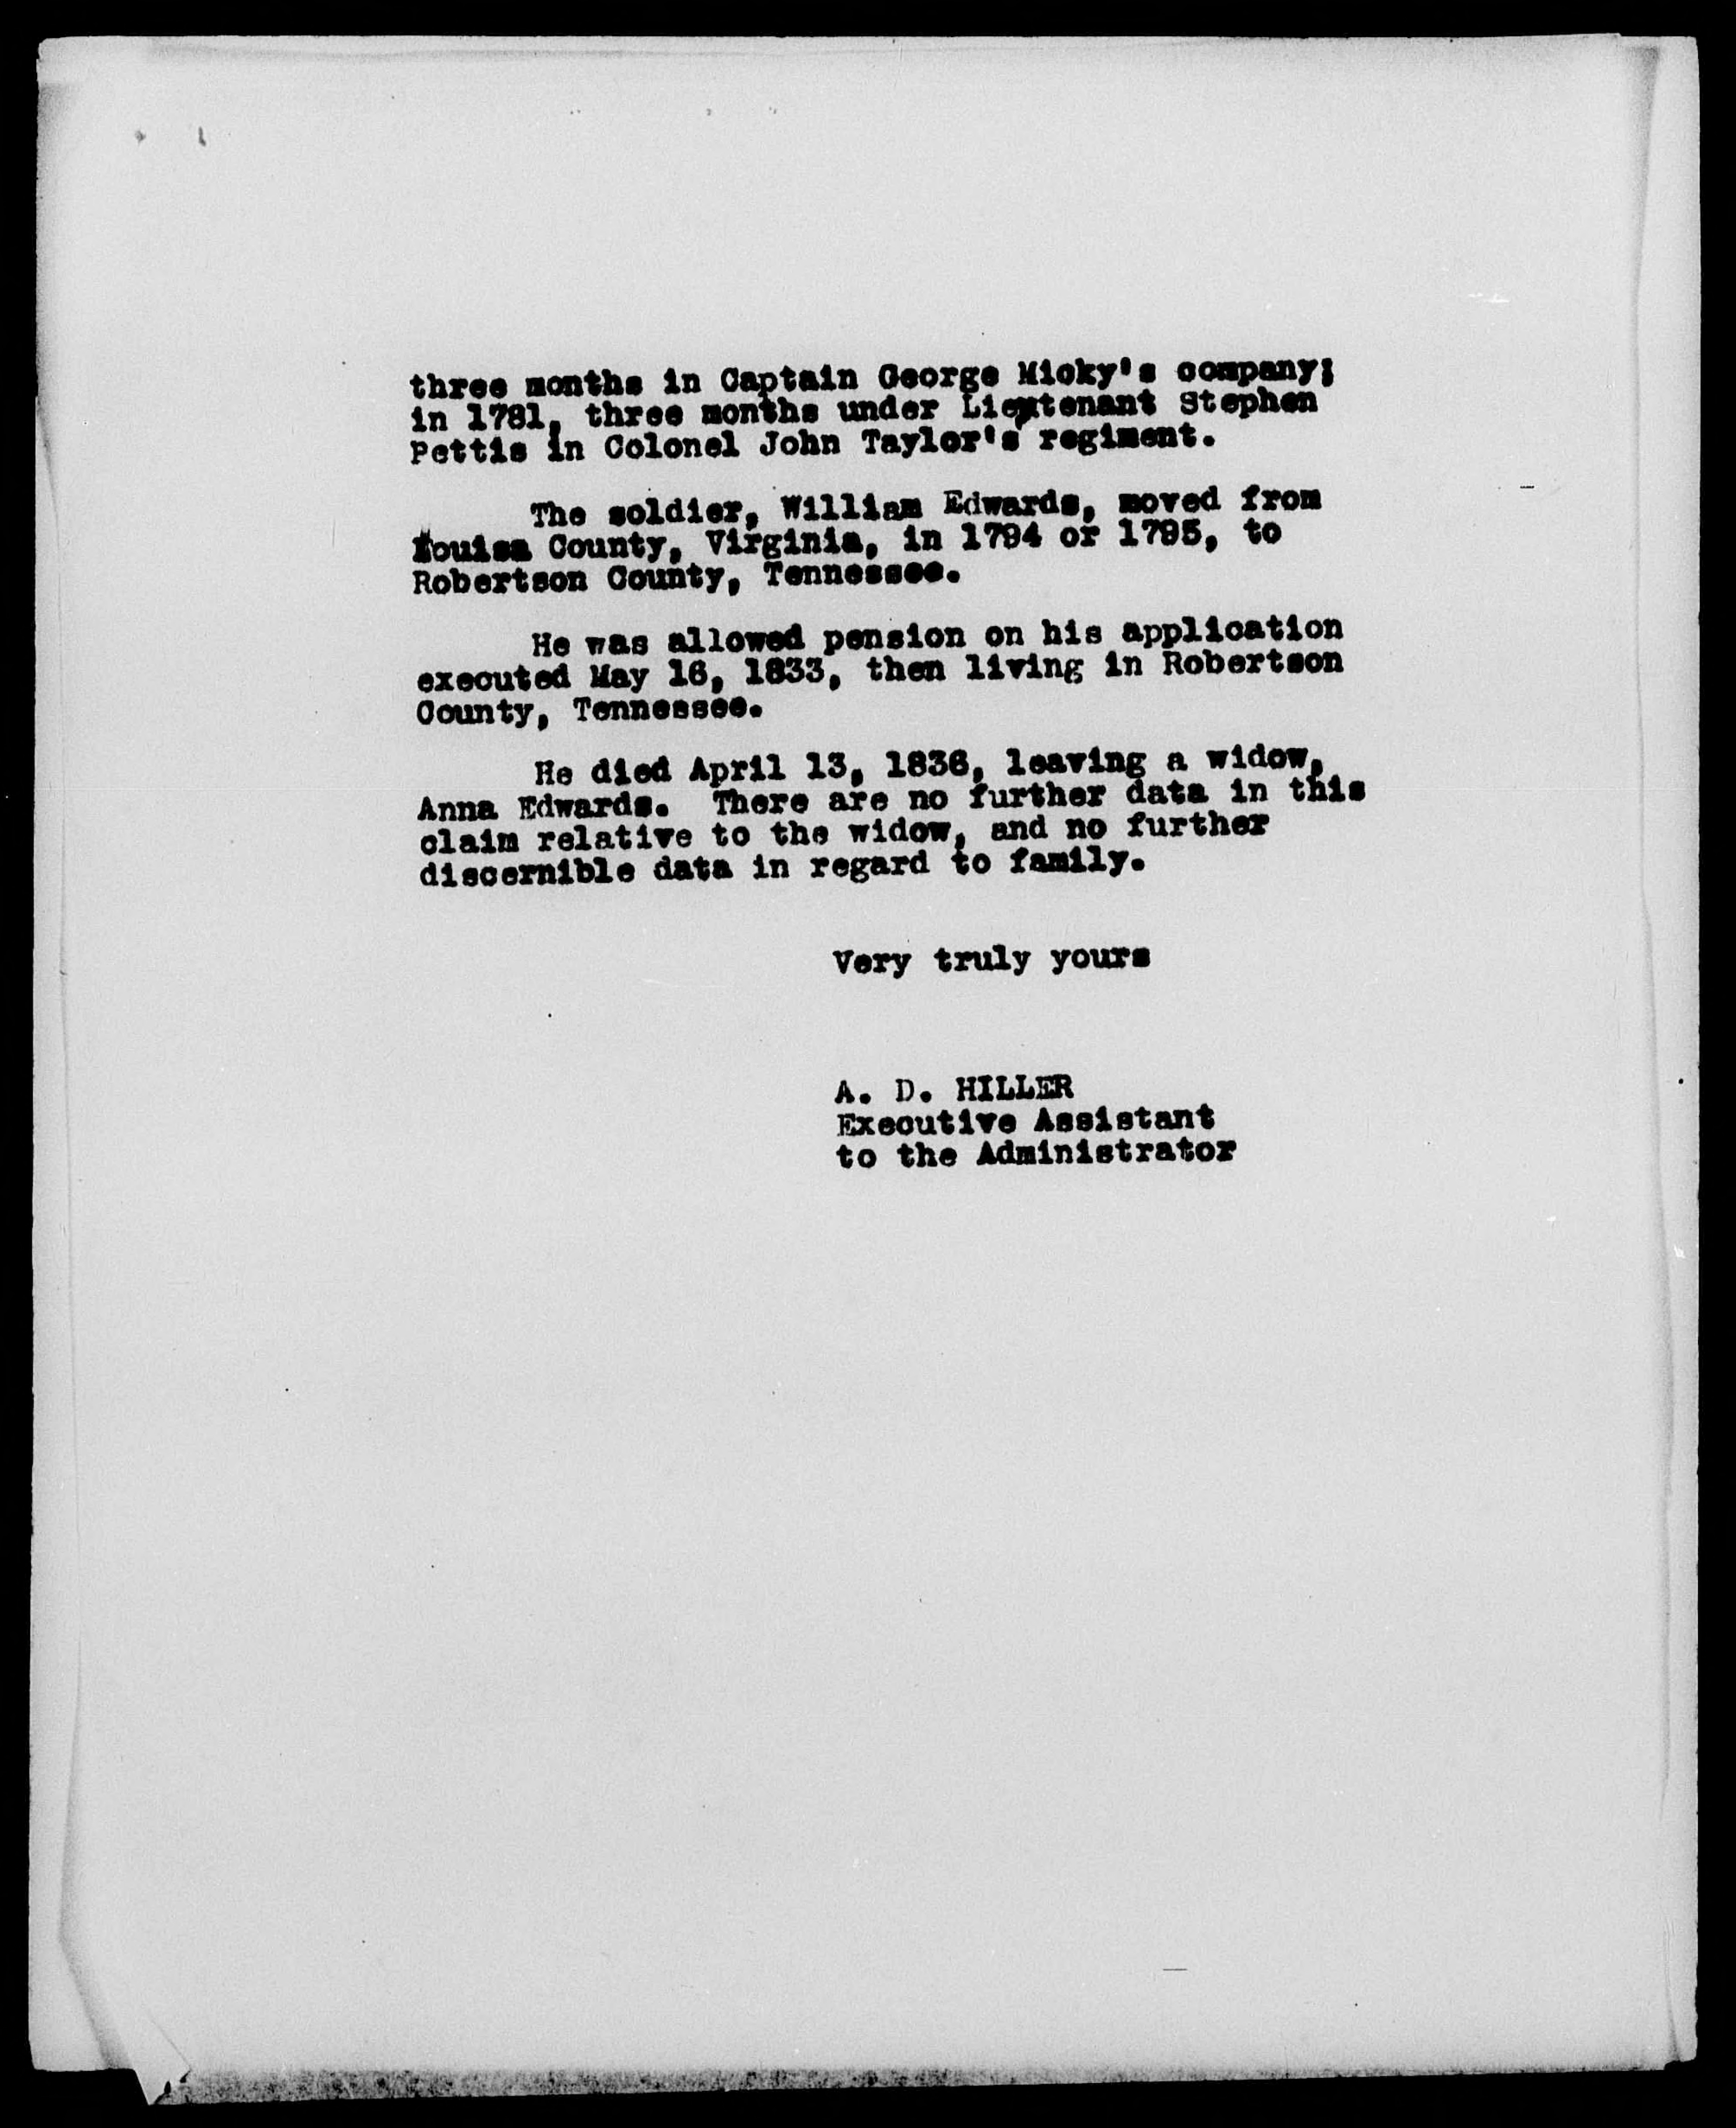three months in Captain George Micky's company; in 1781, three months under Lieutenant Stephen Pettis in Colonel John Taylor's regiment.

The soldier, William Edwards, moved from Louisa County, Virginia, in 1794 or 1795, to Robertson County, Tennessee.

He was allowed pension on his application executed May 16, 1833, then living in Robertson County, Tennessee.

He died April 13, 1836, leaving a widow, Anna Edwards. There are no further data in this claim relative to the widow, and no further discernable data in regard to family.

Very truly yours
A. D. HILLER
Executive Assistant
to the Administrator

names: William Edwards, A D Hiller, Anna Edwards, Stephen Pettis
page: 12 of 47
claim: survivor's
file: S. 3,322, William Edwards, Va.